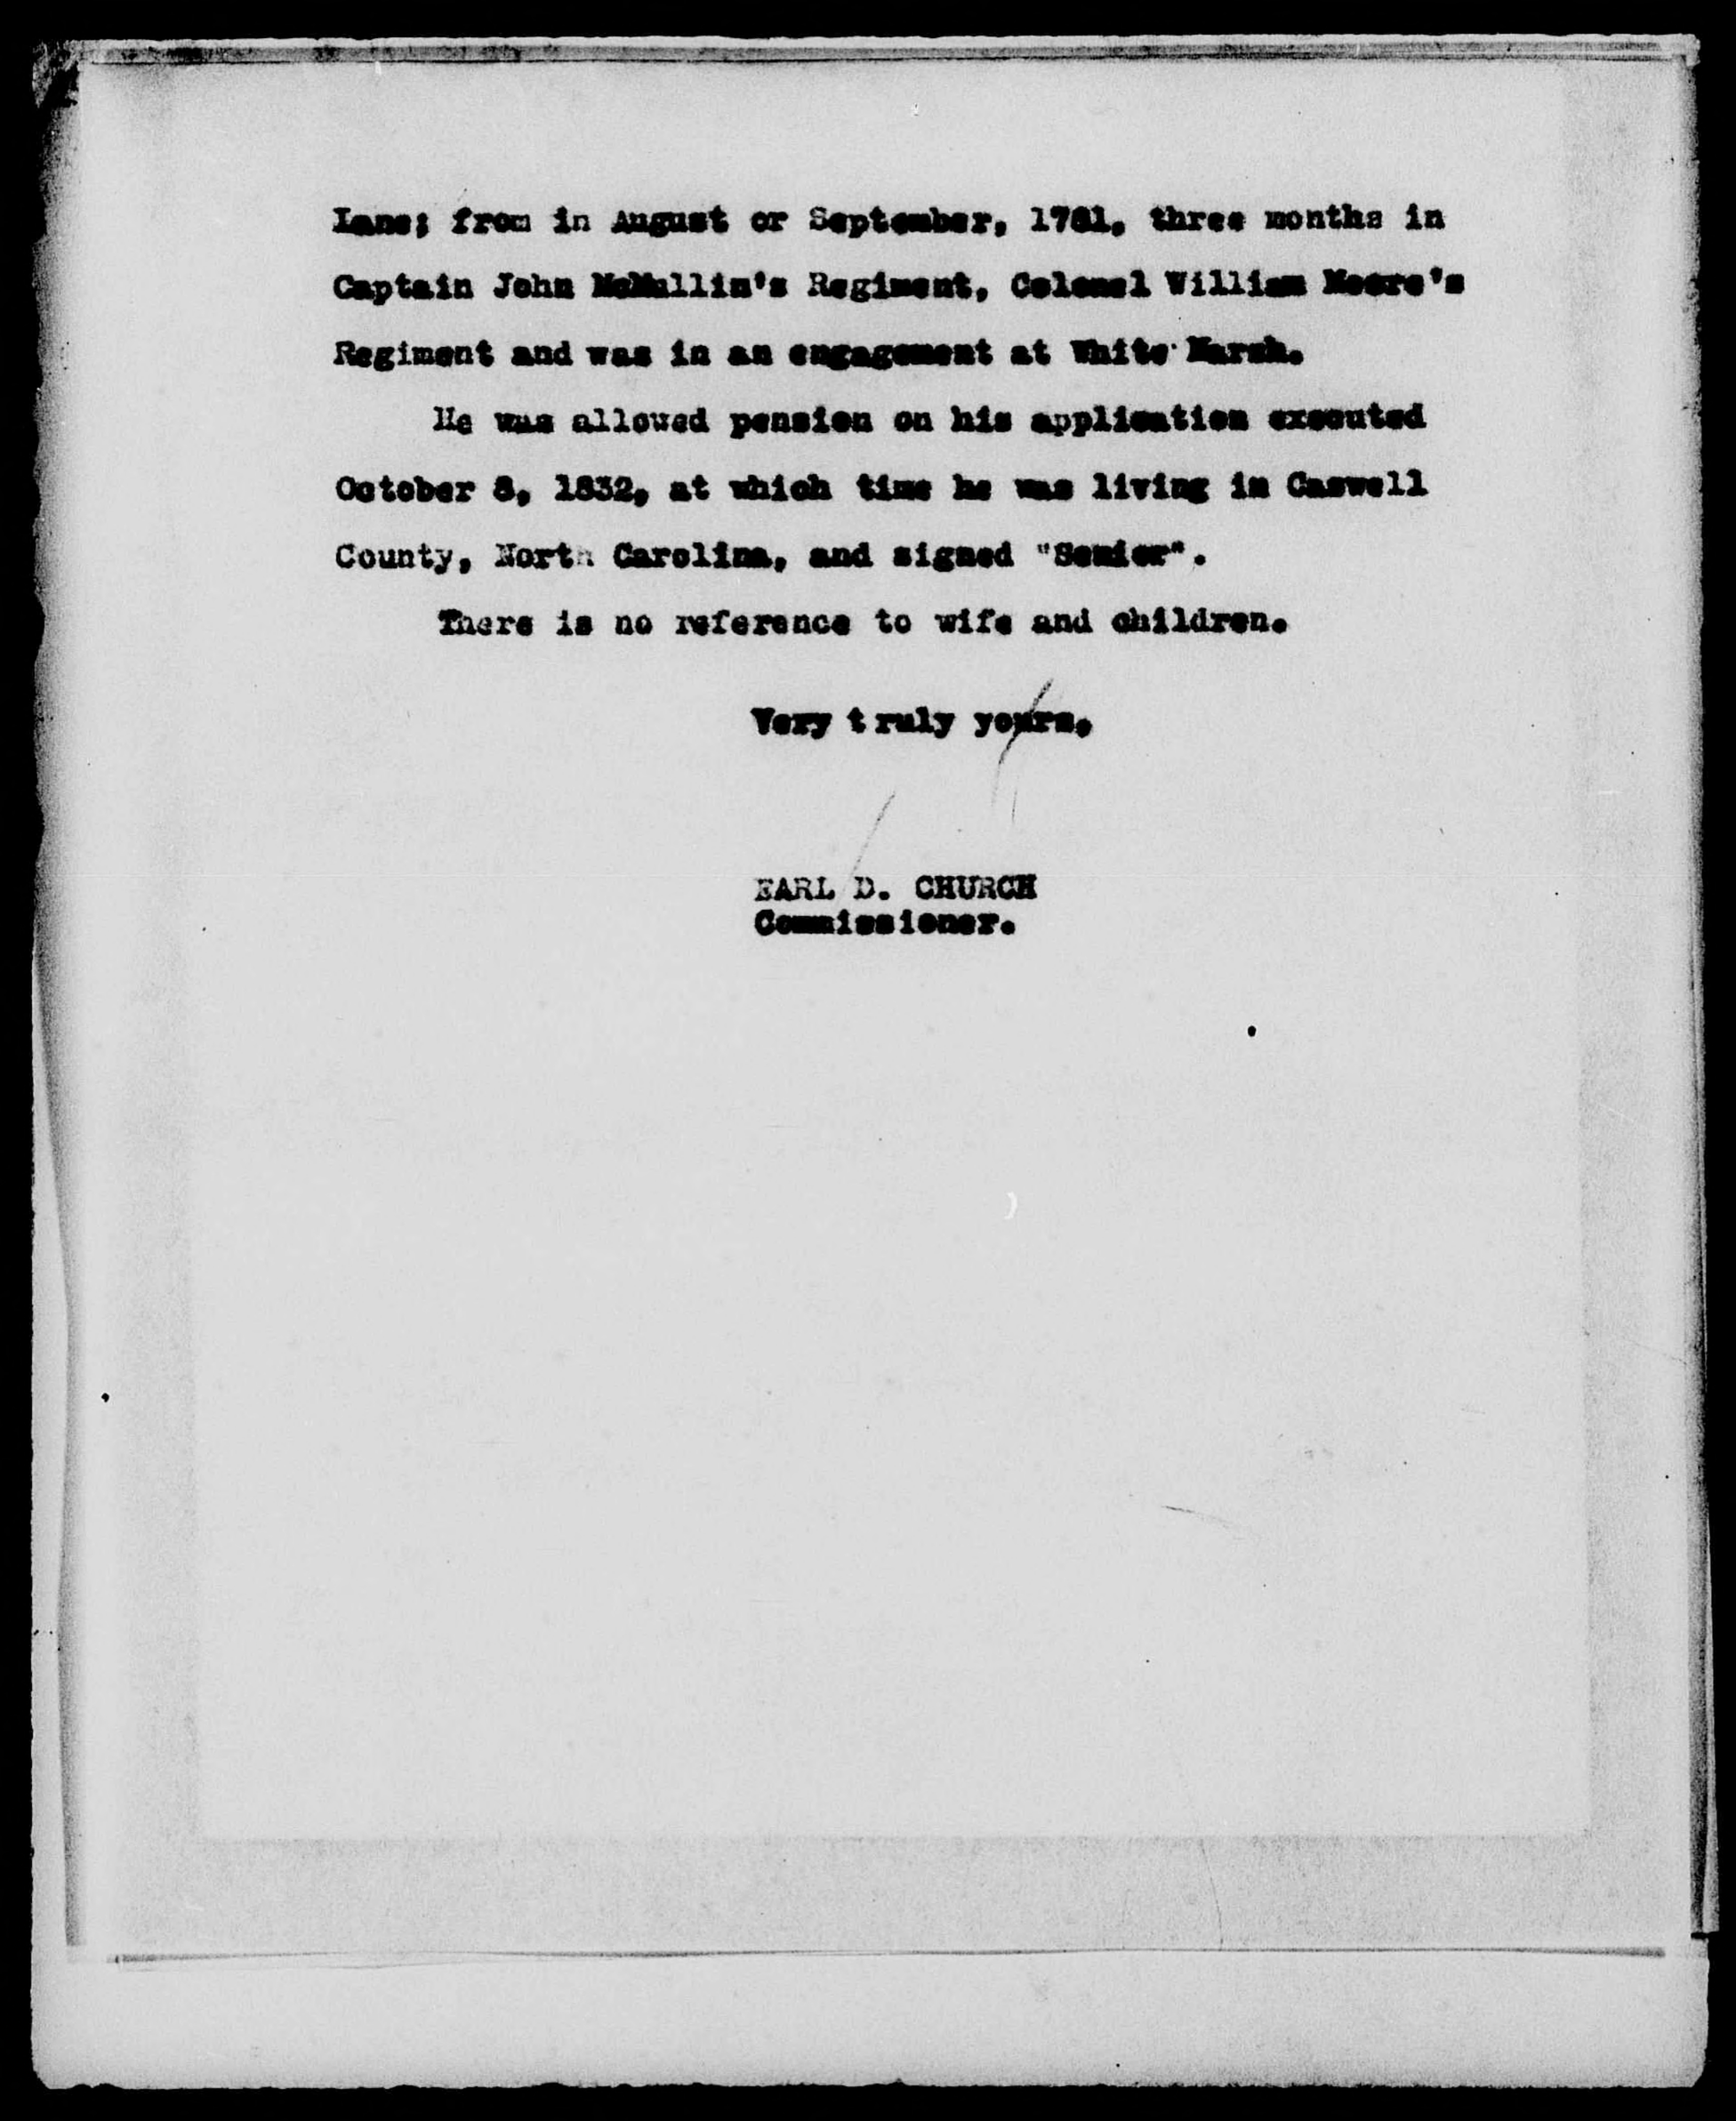Lane; from in August or September, 1781, three months in Captain John Mallin's Regiment, Colonel William Moore's Regiment and was in an engagement at White Marsh.

He was allowed pension on his application executed October 2, 1832, at which time he was living in Caswell County, North Carolina, and signed "Senior".

There is no reference to wife and children.

Very truly yours

EARL D. CHURCH
Commissioner.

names: Earl D Church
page: 18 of 29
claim: survivor's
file: S. 6830, Elisha Evans, N.C.